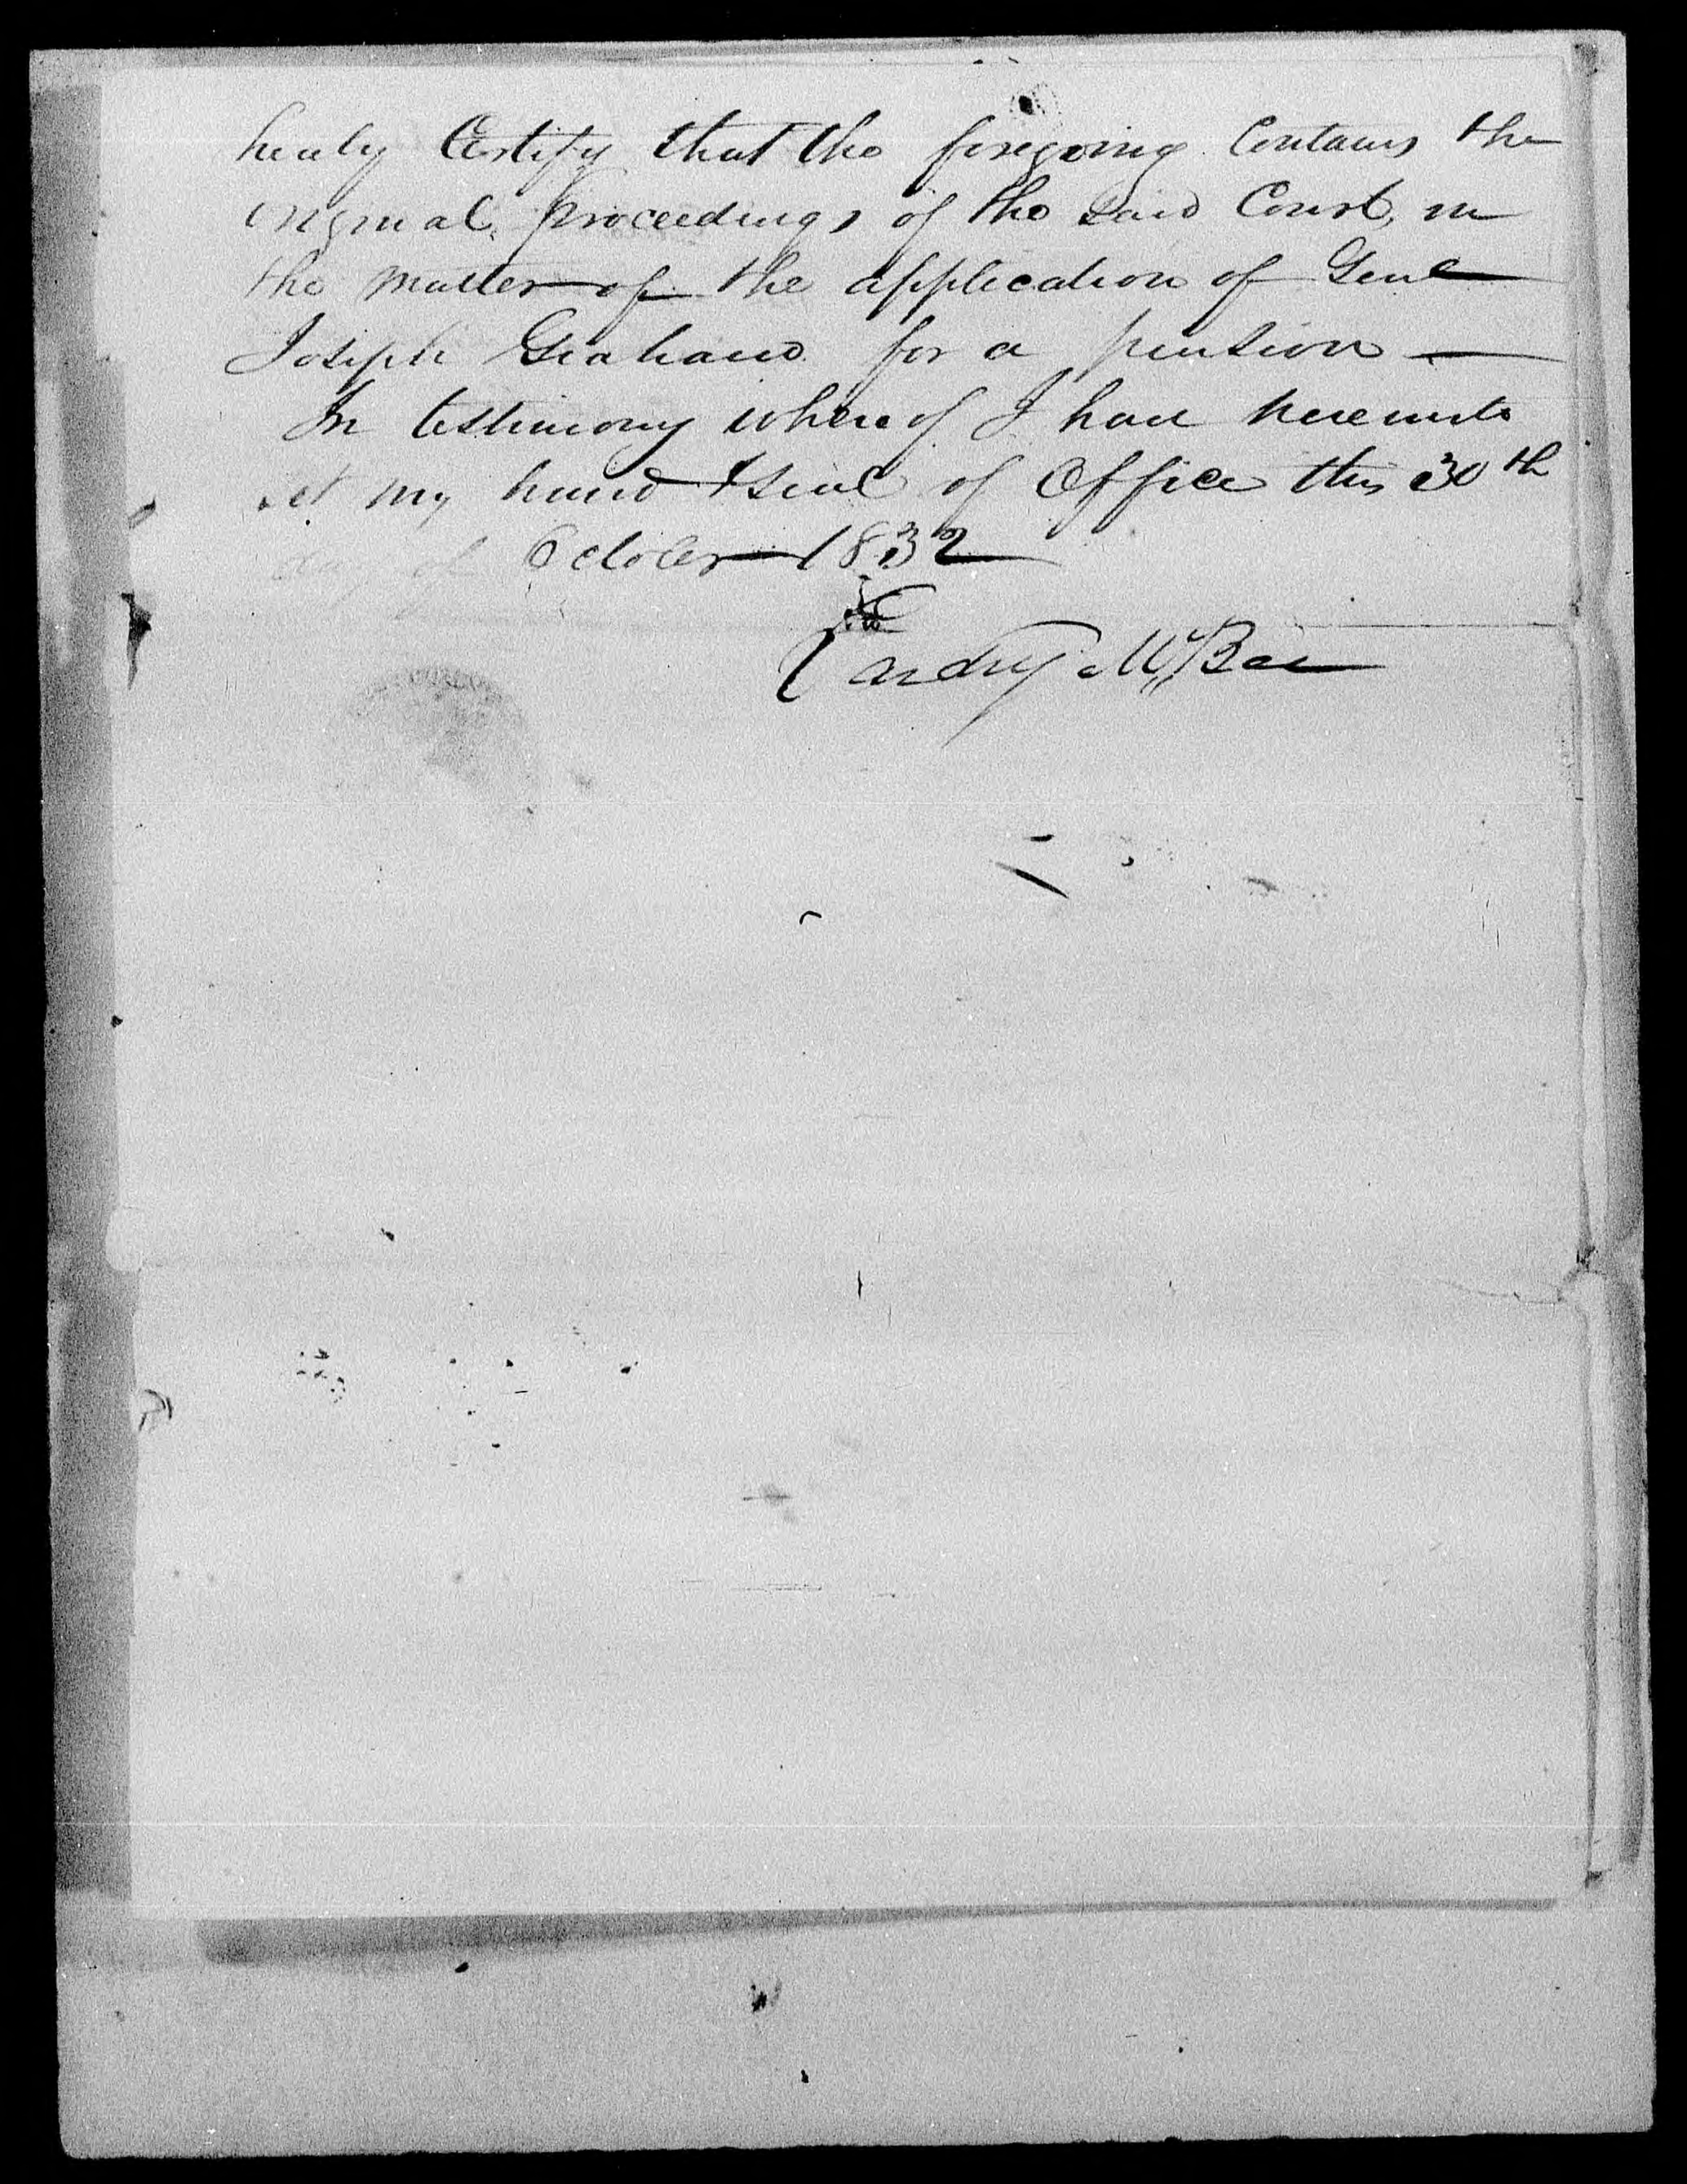hereby certify that the foregoing contains the original proceedings of the said court in the matter of the application of Gen'l Joseph Graham for a pension. In testimony whereof I have hereunto set my hand & seal of Office this 30th day of October 1832
Vardey McBee
[Signature]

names: Vardey Mc Bee, Joseph Graham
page: 6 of 55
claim: survivor's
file: S. 6,937, Joseph Graham, N.C.